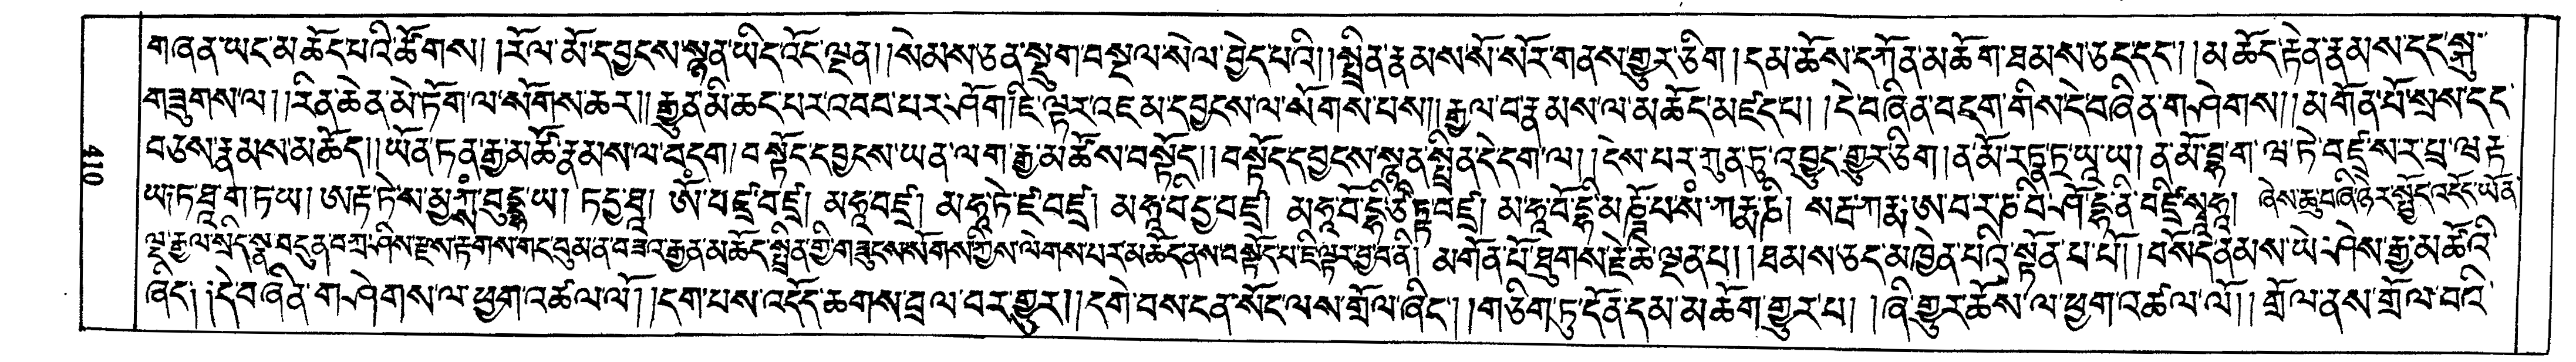གཞན་ཡང་མཆོད་པའི་ཚོགས། །རོལ་མོ་དབྱངས་སྙན་ཡིད་འོང་ལྡན། །སེམས་ཅན་སྡུག་བསྔལ་སེལ་བྱེད་པའི། །སྤྲིན་རྣམས་སོ་སོར་གནས་གྱུར་ཅིག །དམ་ཆོས་དཀོན་མཆོག་ཐམས་ཅད་དང་། །མཆོད་རྟེན་རྣམས་དང་སྐུ་
གཟུགས་ལ། །རིན་ཆེན་མེ་ཏོག་ལ་སོགས་ཆར། །རྒྱུན་མི་ཆད་པར་འབབ་པར་ཤོག །ཇི་ལྟར་འཇམ་དབྱངས་ལ་སོགས་པས། །རྒྱལ་བ་རྣམས་ལ་མཆོད་མཛད་པ། །དེ་བཞིན་བདག་གིས་དེ་བཞིན་གཤེགས། །མགོན་པོ་སྲས་དང་
བཅས་རྣམས་མཆོད། །ཡོན་ཏན་རྒྱ་མཚོ་རྣམས་ལ་བདག། བསྟོད་དབྱངས་ཡན་ལག་རྒྱ་མཚོས་བསྟོད། །བསྟོད་དབྱངས་སྙན་སྤྲིན་དེ་དག་ལ། །ངེས་པར་ཀུན་ཏུ་འབྱུང་གྱུར་ཅིག །ན་མོ་རཏྣ་ཏྲ་ཡཱ་ཡ། ན་མོ་བྷ་ག་ཝ་ཏེ་བཛྲ་ས་ར་པྲ་ཝརྟ་
ཡ༑ ཏ་ཐཱ་ག་ཏ་ཡ། ཨརྷ་ཏེ་སམྱཀྶཾ་བུདྡྷཱ་ཡ། ཏདྱ་ཐE། ཨོཾ་བཛྲ་བཛྲ། མཧཱ་བཛྲ། མཧཱ་ཏེ་ཛ་བཛྲ། མཧཱ་བི་དྱ་བཛྲ། མཧཱ་བོ་དྷི་ཙིཏྟ་བཛྲ། མཧཱ་བོ་དྷི་མཎྜོ་པ་སཾ་ཀརྨ་ཎི། སརྦ་ཀརྨ་ཨ་བ་ར་ཎ་བི་ཤོ་དྷ་ནི་བཛྲི་སྭཱཧཱ། ཞེས་ཆུ་བཞི་ཉེར་སྦྱོད་འདོད་ཡོན་
ལྔ་རྒྱལ་སྲིད་སྣ་བདུན་བཀྲ་ཤིས་རྫས་རྟགས་གང་བུམ་ན་བཟའ་རྒྱན་མཆོད་སྤྲིན་གྱི་གཟུངས་སོགས་ཀྱིས་ལེགས་པར་མཆོད་ནས་བསྟོད་པ་ཇི་ལྟར་བྱ་བ་ནི། མགོན་པོ་ཐུགས་རྗེ་ཆེ་ལྡན་པ། །ཐམས་ཅད་མཁྱེན་པའི་སྟོན་པ་པོ། །བསོད་ནམས་ཡེ་ཤེས་རྒྱ་མཚོའི་
ཞིང༑ ༑དེ་བཞིན་གཤེགས་ལ་ཕྱག་འཚལ་ལོ། །དག་པས་འདོད་ཆགས་བྲལ་བར་གྱུར། །དགེ་བས་ངན་སོང་ལས་གྲོལ་ཞིང་། །གཅིག་ཏུ་དོན་དམ་མཆོག་གྱུར་པ། །ཞི་གྱུར་ཆོས་ལ་ཕྱག་འཚལ་ལོ། །གྲོལ་ནས་གྲོལ་བའི་